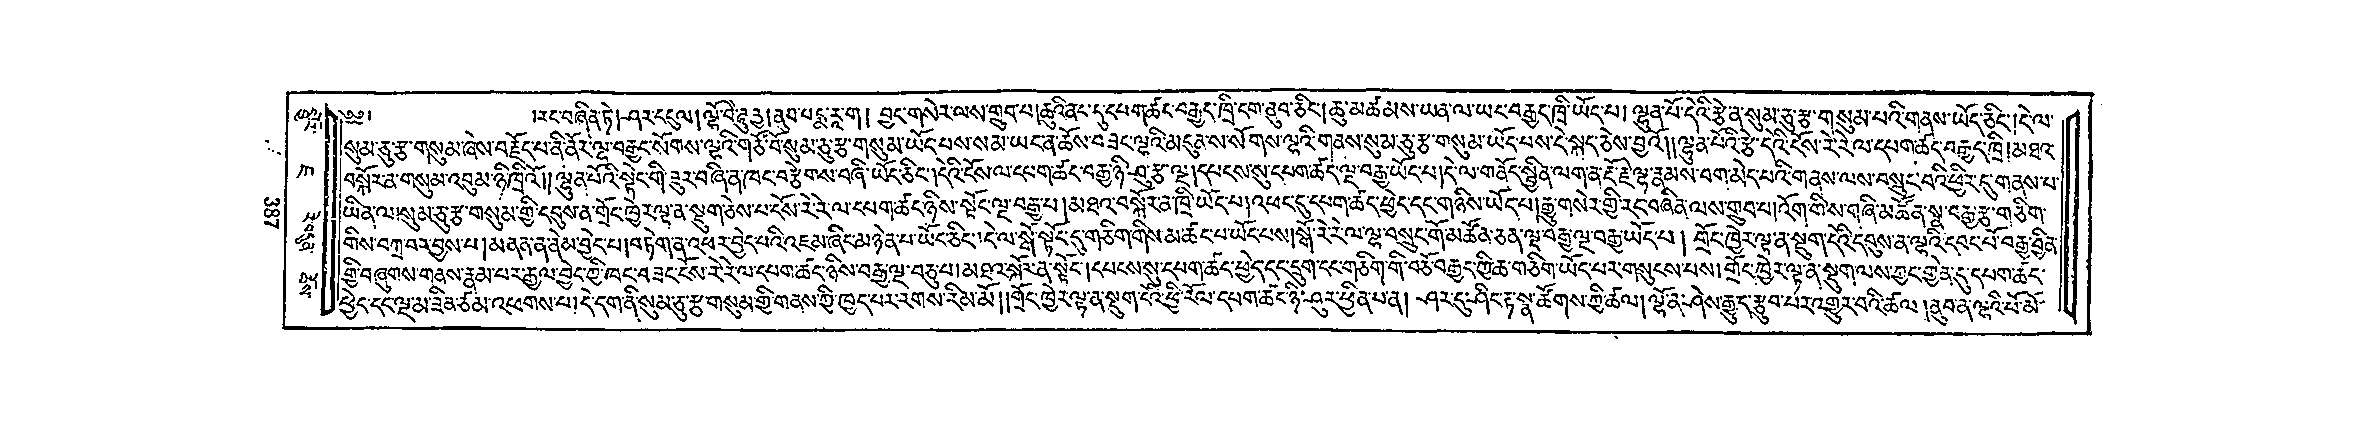༄༅། །རང་བཞིན་ཏེ། ཤར་དངུལ། ལྷོ་བཻ་ཌཱུ་རྱ། ནུབ་པདམ་རཱ་ག །བྱང་གསེར་ལས་གྲུབ་པ། ཆུའི་ནང་དུ་དཔག་ཚད་བརྒྱད་ཁྲི་དག་ནུབ་ཅིང་། ཆུ་མཚམས་ཡན་ལ་ཡང་བརྒྱད་ཁྲི་ཡོད་པ། ལྷུན་པོ་དེའི་རྩེ་ན་སུམ་ཅུ་རྩ་གསུམ་པའི་གནས་ཡོད་ཅིང་། དེ་ལ་
སུམ་ཅུ་རྩ་གསུམ་ཞེས་བརྗོད་པ་ནི་ནོར་ལྷ་བརྒྱད་སོགས་ལྷའི་གཙོ་བོ་སུམ་ཅུ་རྩ་གསུམ་ཡོད་པས་སམ་ཡང་ན་ཆོས་བཟང་ལྷའི་མདུན་ས་སོགས་ལྷའི་གནས་སུམ་ཅུ་རྩ་གསུམ་ཡོད་པས་དེ་སྐད་ཅེས་བྱའོ། །ལྷུན་པོའི་རྩེ་དེའི་ངོས་རེ་རེ་ལ་དཔག་ཚད་བརྒྱད་ཁྲི། མཐའ་
བསྐོར་ན་གསུམ་འབུམ་ཉི་ཁྲིའོ། །ལྷུན་པོའི་སྟེང་གི་ཟུར་བཞི་ན་ཁང་བརྩེགས་བཞི་ཡོད་ཅིང་། དེའི་ངོས་ལ་དཔག་ཚད་བརྒྱ་ཉི་ཤུ་རྩ་ལྔ། དཔངས་སུ་དཔག་ཚད་ལྔ་བརྒྱ་ཡོད་པ། དེ་ལ་གནོད་སྦྱིན་ལག་ན་རྡོ་རྗེ་ལྷ་རྣམས་བག་མེད་པའི་གནས་ལས་བསྲུང་བའི་ཕྱིར་དུ་གནས་པ་
ཡིན་ལ། སུམ་ཅུ་རྩ་གསུམ་གྱི་དབུས་ན་གྲོང་ཁྱེར་ལྟ་ན་སྡུག་ཅེས་པ་ངོས་རེ་རེ་ལ་དཔག་ཚད་ཉིས་སྟོང་ལྔ་བརྒྱ་པ། མཐའ་བསྐོར་ན་ཁྲི་ཡོད་པ། འཕང་དུ་དཔག་ཚད་ཕྱེད་དང་གཉིས་ཡོད་པ། རྒྱུ་གསེར་གྱི་རང་བཞིན་ལས་གྲུབ་པ། འོག་གི་ས་གཞི་མཚོན་སྣ་བརྒྱ་རྩ་གཅིག་
གིས་བཀྲ་བར་བྱས་པ། མནན་ན་ནེམ་བྱེད་པ། བཏེག་ན་འཕར་བྱེད་པའི་འཇམ་ཞིང་མཉེན་པ་ཡོད་ཅིང་། དེ་ལ་སྒོ་སྟོང་དུ་གཅིག་གིས་མ་ཚང་པ་ཡོད་པས། སྒོ་རེ་རེ་ལ་ལྷ་བསྲུང་གོ་མཚོན་ཅན་ལྔ་བརྒྱ་ལྔ་བརྒྱ་ཡོད་པ། གྲོང་ཁྱེར་ལྟ་ན་སྡུག་དེའི་དབུས་ན་ལྷའི་དབང་པོ་བརྒྱ་བྱིན་
གྱི་བཞུགས་གནས་རྣམ་པར་རྒྱལ་བྱེད་ཀྱི་ཁང་བཟང་ངོས་རེ་རེ་ལ་དཔག་ཚད་ཉིས་བརྒྱ་ལྔ་བཅུ་པ། མཐའ་སྐོར་ན་སྟོང་། དཔངས་སུ་དཔག་ཚད་ཕྱེད་དང་དྲུག་དང་གཅིག་གི་བཅོ་བརྒྱད་ཀྱི་ཆ་གཅིག་ཡོད་པར་གསུངས་པས། གྲོང་ཁྱེར་ལྟ་ན་སྡུག་ལས་ཀྱང་གྱེན་དུ་དཔག་ཚད་
ཕྱེད་དང་ལྔ་མ་ཟིན་ཙམ་འཕགས་པ། དེ་དག་ནི་སུམ་ཅུ་རྩ་གསུམ་གྱི་གནས་ཀྱི་ཁྱད་པར་རགས་རིམ་མོ། །གྲོང་ཁྱེར་ལྟ་ན་སྡུག་དེའི་ཕྱི་རོལ་དཔག་ཚང་ཉི་ཤུར་ཕྱིན་པ་ན། ཤར་དུ་ཤིང་རྟ་སྣ་ཚོགས་ཀྱི་ཚལ། ལྷོ་ན་ཤེས་རྒྱུད་རྩུབ་པར་འགྱུར་བའི་ཚལ། ནུབ་ན་ལྷའི་ཕོ་མོ་